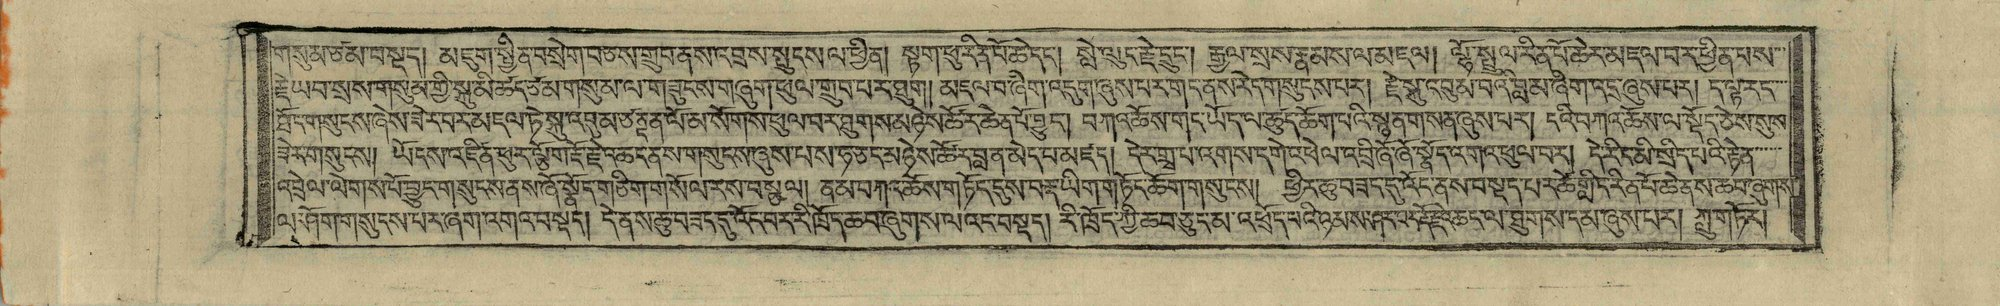གསུམ་ཙམ་བསྡད། མཇུག་སྦྱིན་བསྲེག་བཅས་གྲུབ་ནས་འབྲས་སྤུངས་ལ་ཕྱིན། སྟག་ཕུ་རིན་པོ་ཆེ་དང་། སླེ་ལུང་རྗེ་དྲུང་། རྒྱལ་སྲས་རྣམས་ལ་མཇལ། ལྷོ་སྤྲུལ་རིན་པོ་ཆེར་མཇལ་བར་ཕྱིན་པས་
རྗེ་ཡབ་སྲས་གསུམ་གྱི་སྐུ་མི་ཚད་ཙམ་གསུམ་ལ་གཟུངས་གཞུག་ཕུལ་གྲུབ་པར་ཐུག །མཇལ་བ་ཞིག་འདུག་ཞུས་པར་གང་ནས་རེད་གསུངས་པར། རྗེ་སྐུ་དབུ་མ་བའི་བླ་མ་ཞིག་འདྲ་ཞུས་པར། ད་ལྟ་རང་
ཐོང་གསུངས་ཞེས་ཟེར་བར་མཇལ་ཏེ་སྐུ་འབུམ་ཙནྡན་ལོ་མ་སོགས་ཕུལ་བར་ཐུགས་མཉེས་ཚོར་ཆེན་པོ་བྱུང་། བཀའ་ཆོས་གང་ཡོད་ལ་ཚུད་ཆོག་པའི་སྙན་གསན་ཞུས་པར། ངའི་བཀའ་ཆོས་ལ་སྡོད་ཅེས་སུས་
ཟེར་གསུངས། ཡོངས་འཛིན་ཕུར་ལྕོག་རྡོ་རྗེ་འཆང་ནས་གསུངས་ཞུས་པས་ཧ་ཅང་མཉེས་ཚོར་བླ་ན་མེད་པ་མཛད། དེར་གྲྭ་པ་འགས་དགེ་འཕེལ་འབྲི་ཞོ་ཞོ་སྣོད་འགའ་ཕུལ་བར། དེ་རིང་མི་སྲིད་པའི་རྟེན་
འབྲེལ་ལེགས་པོ་བྱུང་གསུངས་ནས་ཞོ་སྣོད་གཅིག་གསོལ་རས་བསྩལ། ནམ་བཀར་ཆོས་གཏོད་དུས་བརྡ་ཡིག་གཏོང་ཆོག་གསུངས། ཕྱིར་ཆུ་བཟང་དུ་འོང་ནས་བསྡད་པར་ཚེ་གླིང་རིན་པོ་ཆེ་ནས་ཆབ་ཞུགས་
ལ་ཤོག་གསུངས་པར་ཞག་འགའ་བསྡད། དེ་ནས་ཆུ་བཟང་དུ་འོང་བར་རི་ཁྲོད་ཆབ་ཞུགས་ལའང་བསྡད། རི་ཁྲོད་ཀྱི་ཆབ་ཅུང་མ་འཕྲོད་པའི་ཉམས་ཤར་བར་རྡོ་རྗེ་འཆང་ལ་ཐུགས་དམ་ཞུས་པར། ཀླུ་གཏོར།